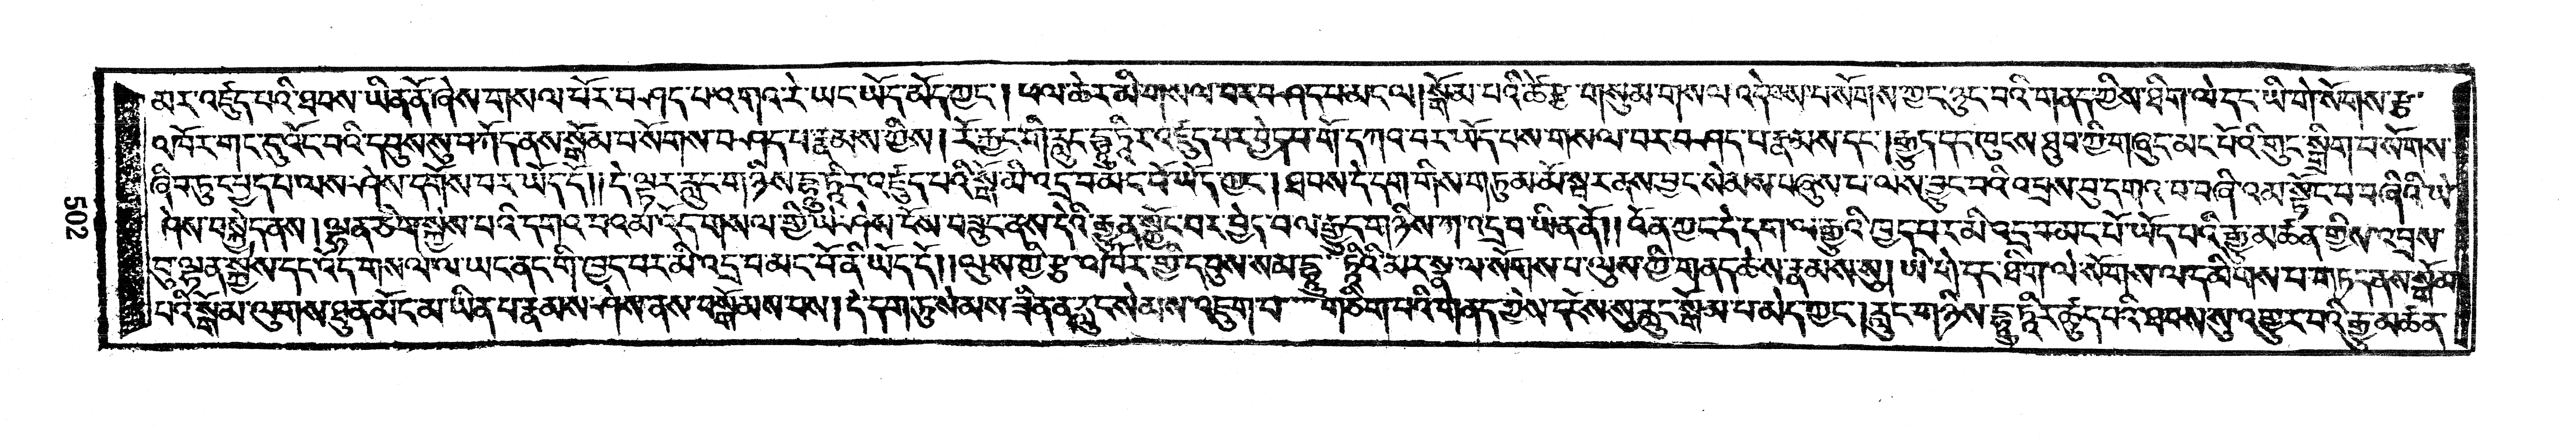མར་འཛུད་པའི་ཐབས་ཡིན་ནོ་ཞེས་གསལ་པོར་བཤད་པ་འགའ་རེ་ཡང་ཡོད་མོད་ཀྱང་། ཕལ་ཆེར་མི་གསལ་བར་བཤད་པ་མང་ལ། སྒོམ་པའི་ཚེ་རྩ་གསུམ་གསལ་འདེབས་པ་སོགས་ཀྱང་ཉུང་བའི་གནད་ཀྱིས་ཐིག་ལེ་དང་ཡི་གེ་སོགས་རྩ་
འཁོར་གང་དུ་འོང་བའི་དབུས་སུ་བཀོད་ནས་སྒོམ་པ་སོགས་བཤད་པ་རྣམས་ཀྱིས། རོ་རྐྱང་གི་རླུང་དྷཱུ་ཏཱིར་འཛུད་པར་བྱེད་པ་གོ་དཀའ་བར་ཡོད་པས་གསལ་བར་བཤད་པ་རྣམས་དང་། རྒྱུད་དང་ཁུངས་ཐུབ་ཀྱི་གཞུང་མང་པོའི་གུང་སྒྲིག་པ་སོགས་
ཞིབ་ཏུ་དཔྱད་པ་ལས་ཤེས་དགོས་པར་ཡོད་དོ། །དེ་ལྟར་རླུང་གཉིས་དྷཱུ་ཏཱིར་འཛུད་པའི་སྒོ་མི་འདྲ་བ་མང་པོ་ཡོད་ཀྱང་། ཐབས་དེ་དག་གིས་གཏུམ་མོ་སྦར་ནས་བྱང་སེམས་བཞུས་པ་ལས་བྱུང་བའི་འབྲས་བུ་དགའ་བ་བཞི་འམ་སྟོང་པ་བཞིའི་ཡེ་
ཤེས་བསྐྱེད་ནས། ལྷན་ཅིག་སྐྱེས་པའི་དགའ་བའམ་འོད་གསལ་གྱི་ཡེ་ཤེས་ངོས་བཟུང་ནས་དེའི་རྒྱུན་སྐྱོང་བར་བྱེད་པ་ལ་རྒྱུད་གཉིས་ཀ་འདྲ་བ་ཡིན་ནོ། །འོན་ཀྱང་དེ་དག་ལ་རྒྱུའི་ཁྱད་པར་མི་འདྲ་བ་མང་པོ་ཡོད་པའི་རྒྱུ་མཚན་གྱིས་འབྲས་
བུ་ལྷན་སྐྱེས་དང་འོད་གསལ་ལ་ཡང་ནང་གི་ཁྱད་པར་མི་འདྲ་བ་མང་པོ་ནི་ཡོད་དོ། །ལུས་ཀྱི་རྩ་འཁོར་གྱི་དབུས་སམ་དྷཱུ་ཏཱིའི་མར་སྣ་ལ་སོགས་པ་ལུས་ཀྱི་གནད་ཆེ་ས་རྣམས་སུ། ཡི་གེ་དང་ཐིག་ལེ་སོགས་ལ་དམིགས་པ་གཏད་ནས་སྒོམ་
པའི་སྒོམ་ལུགས་ཐུན་མོང་མ་ཡིན་པ་རྣམས་ཤེས་ནས་བསྒོམས་པས། དེ་དག་ཏུ་སེམས་ཟིན་ན་རླུང་སེམས་འཇུག་པ་གཅིག་པའི་གནད་ཀྱིས་དངོས་སུ་རླུང་སྒོམ་པ་མེད་ཀྱང་། རླུང་གཉིས་དྷཱུ་ཏཱིར་ཚུད་པའི་ཐབས་སུ་འགྱུར་བའི་རྒྱུ་མཚན་